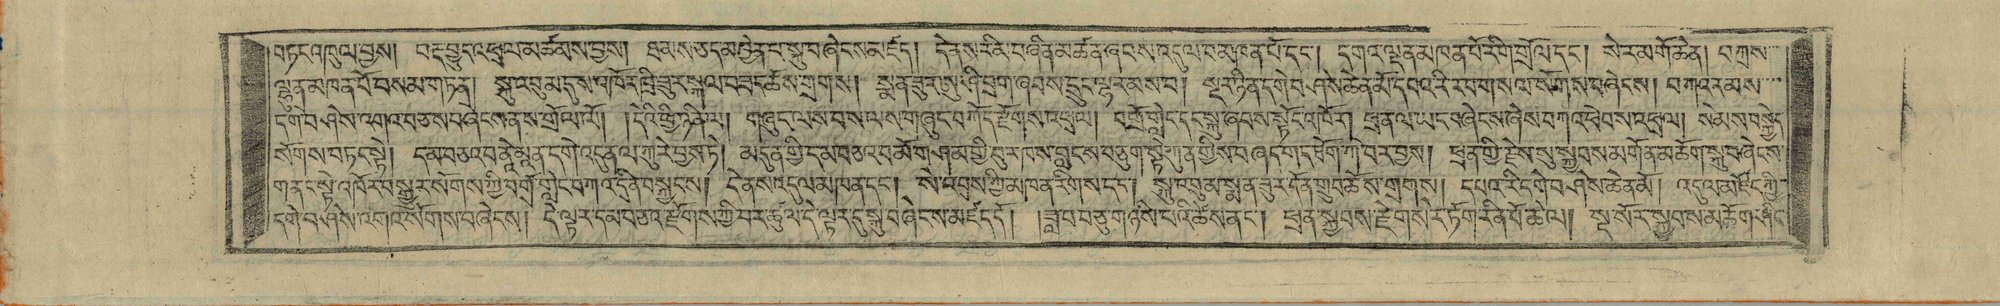བཏང་འཁུལ་བྱས། བརྡ་བྱུང་འཕྲལ་མཚམས་བྱས། ཐམས་ཅད་མཁྱེན་པ་སྐུ་བཞེངས་མཛད། དེ་ནས་རིམ་བཞིན་མཚན་ཞབས་འདུལ་བ་མཁན་པོ་དང་། དགའ་ལྡན་མཁན་པོ་རིག་གྲོལ་དང་། སེར་མགོ་ཆེན། བཀྲས་
ལྷུན་མཁན་པོ་བསམ་གཏན། སྐུ་འབུམ་དུས་འཁོར་ཁྲི་ཟུར་སྐལ་བཟང་ཆོས་གྲགས། སྨན་ཟུར་ཨུ་ཤི་བྲག་ཞབས་དྲུང་ལྷ་རམས་པ། སྔར་ཉིན་དགེ་བཤེས་ཆེན་མོ་དཔའ་རི་རབ་གསལ་སོགས་བཞེངས། བཀའ་རམས་
དགེ་བཤེས་འགའ་བཅས་བཞེངས་ནས་གྲོལ་ལོ། །དེའི་ཕྱི་ཉིན་ལ། གཞུང་ལས་བས་ལས་གཞུང་བཀོད་རྫོགས་འཕྲལ། བགྲོ་གླེང་དང་སྐུ་ཞབས་སྟོང་འཁོར། ཕྲན་ལ་ཡང་བཞེངས་ཞེས་བཀའ་ཕེབས་འཕྲལ། སེམས་བསྐྱེད་
སོགས་བཏང་སྟེ། དམ་བཅའ་བ་ནE་མཱན་དགེ་འདུན་ལ་ཀུ་རེ་བྱས་ཏེ། མདུན་གྱི་དམ་བཅའ་པ་མོ་གཤམ་གྱི་བུར་ཁས་བླངས་བཅུག་སྟེ་ཀུན་གྱིས་བཞད་གང་ཐོག་ཀེ་བར་བྱས། ཕྲན་གྱི་རྗེས་སུ་སྐྱབས་མགོན་མཆོག་སྐུ་བཞེངས་
གནང་སྟེ་འཁོར་བསྒྱུར་སོགས་ཀྱི་བགྲོ་གླེང་བཀའ་དྲིན་བསྐྱངས། དེ་ནས་འདུལ་མཁན་དང་། སེ་འབྲས་ཀྱི་མཁན་རིགས་དང་། སྐུ་འབུམ་སྨན་ཟུར་དོན་གྲུབ་ཆོས་གྲགས། དཔའ་རི་དགེ་བཤེས་ཆེན་མོ། འདུལ་མཛོད་ཀྱི་
དགེ་བཤེས་འགའ་སོགས་བཞེངས། དེ་ལྟར་དམ་བཅའ་རྫོགས་ཀྱི་བར་ཚུལ་དེ་ལྟར་དུ་སྐུ་བཞེངས་མཛད་དོ། །ཟླ་བ་བཅུ་གཉིས་པའི་ཚེས་ནང་། ཕྲན་སྐྱབས་རྗེ་གསེར་ཏོག་རིན་པོ་ཆེ་ལ། སྔ་སོར་སྐྱབས་མཆོག་ཤིང་